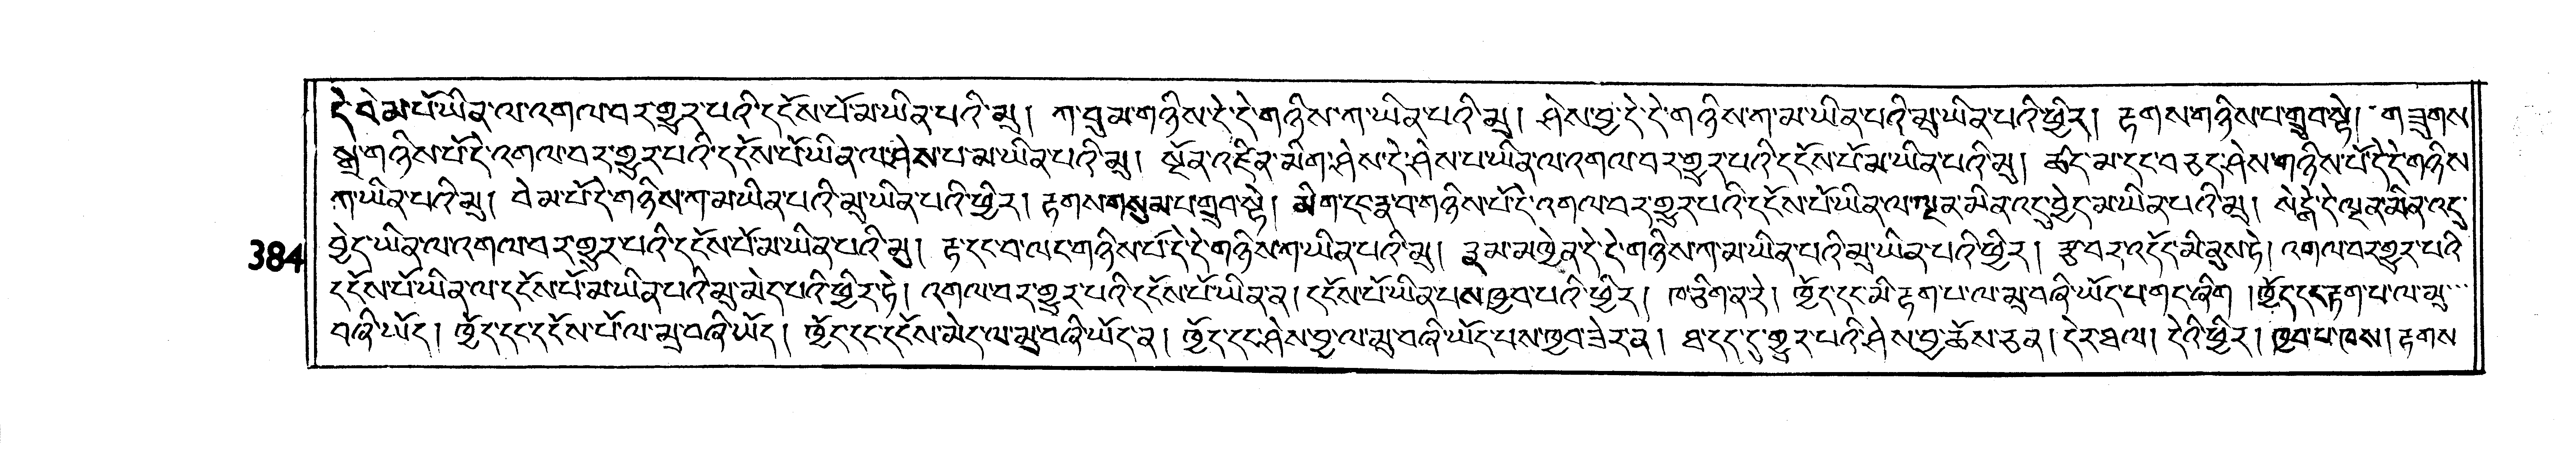དེ་བེ་མ་པོ་ཡིན་ལ་འགླ་བ་གྱུར་པའི་དངོས་པོ་མ་ཡིན་པའི་མུ། ཀ་བུམ་གཉིས་དེདེ་གཉིས་ཀ་ཡིན་པའི་མུ། ཤེས་བྱ་དེ་དེ་གཉིས་ཀ་མ་ཡིན་པའི་མུ་ཡིན་པའི་ཕྱིར། རྟགས་གཉིས་པ་གྲུབ་སྟེ། གཟུགས་
སྒྲ་གཉིས་པོ་དེ་འགླ་བར་འགྱུར་པའི་དངོས་པོ་ཡིན་ལ་ཤེས་པ་མ་ཡིན་པའི་མུ། སྔོན་འཛིན་མིག་ཤེས་དེ་ཤེས་པ་ཡིན་ལ་འགླ་བར་གཡར་པའི་དངོས་པོ་མ་ཡིན་པའི་མུ། ཚད་མ་དང་བཅད་ཤེས་གཉིས་པོ་དེ་དེ་གཉིས་
ཀ་ཡིན་པའི་མུ། བེམ་པོ་དེ་གཉིས་ཀ་མ་ཡིན་པའི་མུ་ཡིན་པའི་ཕྱིར། རྟགས་གསུམ་པ་གྲུབ་སྟེ། མིག་དང་རྣ་བ་གཉིས་པོ་དེ་འགལ་བར་གྱུར་པའི་དངོས་པོཡིན་ལ་ལྡན་མིན་འདུ་བྱེད་མ་ཡིན་པའི་མུ། སེངེ་དེ་ལྡྣ་མིན་འདུ་
བྱེད་ཡིན་ལ་འགལ་བར་གྱུར་པའི་དངོས་པོ་མ་ཡིན་པའི་མུ། རྟ་དང་བ་ལང་གཉིས་པོ་དེ་དེ་གཉིས་ཀ་ཡིན་པའི་མུ། རྣམ་མཁྱེན་དེ་དེ་གཉིས་ཀ་མ་ཡིན་པའི་མུ་པའི་ཕྱིར། རྩ་བར་འདོད་མི་ནུས་ཏེ། འགལ་བར་གྱུར་པའི་
དངོས་པོ་ཡིན་ལ་དངོས་པོ་མ་ཡིན་པའི་མུ་མེད་པའི་ཕྱིར་ཏེ། འགལ་བར་གྱུར་པའི་དངོས་པོ་ཡིན་ན། དངོས་པོ་ཡིན་པས་ཁྱབ་པའི་ཕྱིར། ཁ་ཅིག་ན་རེ། ཁྱོད་དང་མི་རྟག་པ་ལ་མུ་བཞི་ཡོད་པ་གང་ཞིག །ཁྱོད་དང་རྟག་པ་ལ་མུ་
བཞི་ཡོད། ཁྱོད་དང་དངོས་པོ་ལ་མུ་བཞི་ཡོད། ཁྱོད་དང་དངོས་མེད་ལ་མུ་བཞི་ཡོད་ན། ཁྱོད་དང་ཤེས་བྱ་ལ་མུ་བཞི་ཡོད་པས་ཁྱབ་ཟེར་ན། ཐ་དད་དུ་གྱུར་པའི་ཤེས་བྱ་ཆོས་ཅན། དེར་ཐལ། ཁྱབ་པ་ཁས། རྟགས་